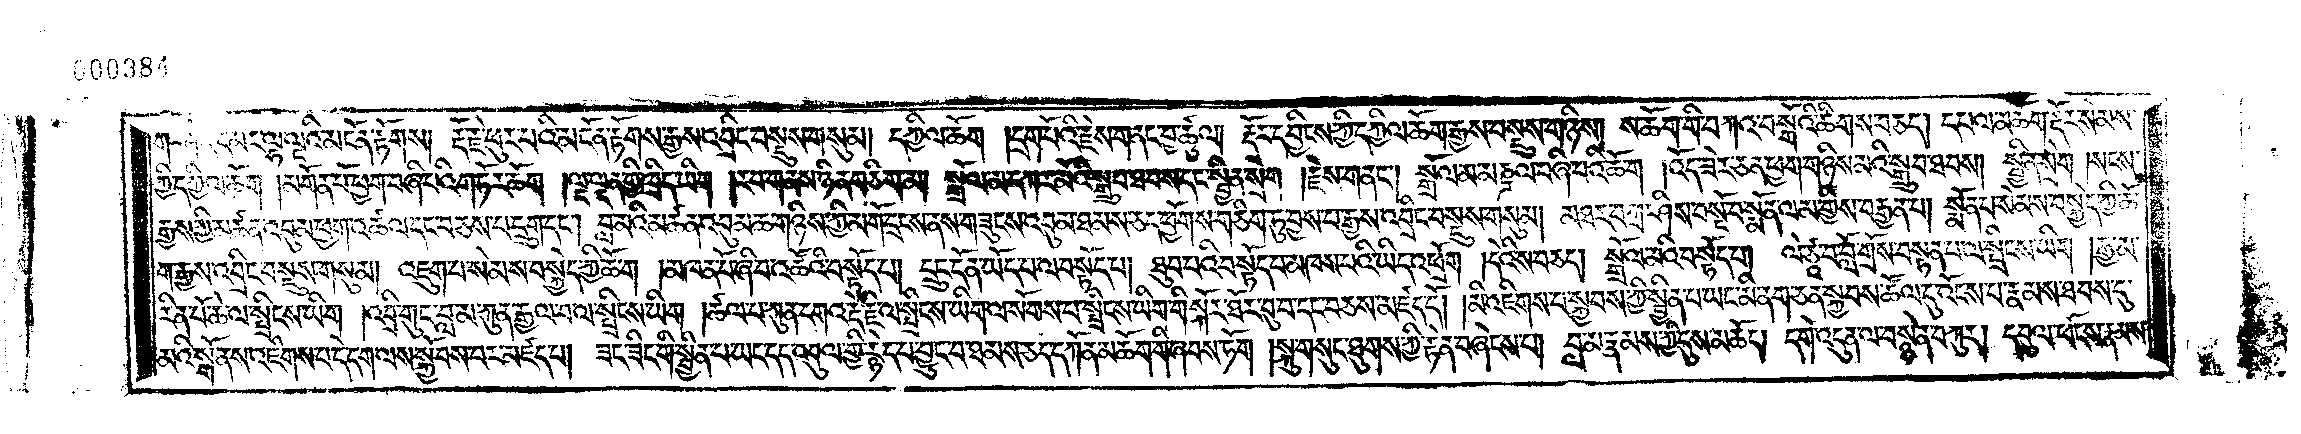གཤེད་དམར་ལྷ་ལྔའི་མངོན་རྟོགས། རྡོ་རྗེ་ཕུར་པའི་མངོན་རྟོགས་རྒྱས་འབྲིང་བསྡུས་གསུམ། དཀྱིལ་ཆོག །དྲག་པོའི་རྗེས་གནང་བྱ་ཚུལ། རྡོར་དབྱིངས་ཀྱི་དཀྱིལ་ཆོག་རྒྱས་བསྡུས་གཉིས། ས་ཆོག་གི་བཀའ་བསྒོའི་ཚིགས་བཅད། དཔལ་མཆོག་རྡོར་སེམས་
ཀྱི་དཀྱིལ་ཆོག །མགོན་པོ་ཕྱག་བཞི་པའི་གཏོར་ཆོག །ལྔ་ལྡན་གྱི་ཁྲིད་ཡིག །རབ་གནས་ཉིན་གཅིག་མ། སྒྲོལ་མ་དཀར་མོའི་སྒྲུབ་ཐབས་དང་སྦྱིན་སྲེག །རྗེས་གནང་། སྒྲོལ་མ་མཎྜལ་བཞི་པའི་ཆོ་ག །འོད་ཟེར་ཅན་ཕྱག་གཉིས་མའི་སྒྲུབ་ཐབས། སྦྱིན་སྲེག །སངས་
རྒྱས་ཀྱི་མཚན་འབུམ་ཕྱག་འཚལ་དང་བཅས་པ་དྲུག་དང་། བླ་མའི་མཚན་འབུམ་ཆ་གཉིས་ཀྱི་མགོ་དྲངས་ནས་གཟུངས་འབུམ་ཐམས་ཅད་ཕྱོགས་གཅིག་ཏུ་བྱས་པ་རྒྱས་འབྲིང་བསྡུས་གསུམ། མཐར་བཀྲ་ཤིས་བསྔོ་བ་སྨོན་ལམ་གྱིས་བརྒྱན་པ། སྨོན་པ་སེམས་བསྐྱེད་ཀྱི་ཆོ་
ག་རྒྱས་འབྲིང་བསྡུས་གསུམ། འཇུག་པ་སེམས་བསྐྱེད་ཀྱི་ཆོ་ག །མཁན་པོ་ཞི་བ་འཚོའི་བསྟོད་པ། དྲུང་དོན་ཡོད་པ་ལ་བསྟོད་པ། ཐུབ་པའི་བསྟོད་པ་མཁས་པའི་ཡིད་འཕྲོག །དེའི་ས་བཅད། སྒྲོལ་མའི་བསྟོད་པ། ལོ་ཙཱ་བ་བློ་གྲོས་བསྟན་པ་ལ་སྤྲིངས་ཡིག །རྒྱ་མ་
རིན་པོ་ཆེ་ལ་སྤྲིངས་ཡིག །འབྲི་གུང་བླ་མ་ཀུན་རྒྱལ་བ་ལ་སྤྲིངས་ཡིག །ཚལ་པ་ཀུན་དགའ་རྡོ་རྗེ་ལ་སྤྲིངས་ཡིག་ལ་སོགས་པ་སྤྲིངས་ཡིག་གི་སྐོར་ཐོར་བུ་བ་དང་བཅས་མཛད་དོ། །མི་འཇིགས་པ་སྐྱབས་ཀྱི་སྦྱིན་པ་ཡང་མི་ནག་ཅན་སྐྱབས་ཚོལ་དུ་འོངས་པ་རྣམས་ཐབས་དུ་
མའི་སྒོ་ནས་འཇིགས་པ་དེ་དག་ལས་སྐྱོབས་པར་མཛད་པ། ཟང་ཟིང་གི་སྦྱིན་པ་ཡང་དད་འབུལ་གྱི་རྙེད་པ་བྱུང་བ་ཐམས་ཅད་དཀོན་མཆོག་གི་ཞབས་ཏོག །སྐུ་གསུང་ཐུགས་ཀྱི་རྟེན་བཞེངས་པ། བླ་མ་རྣམས་ཀྱི་དུས་མཆོད། དགེ་འདུན་ལ་བསྙེན་བཀུར། དབུལ་ཕོངས་རྣམས་